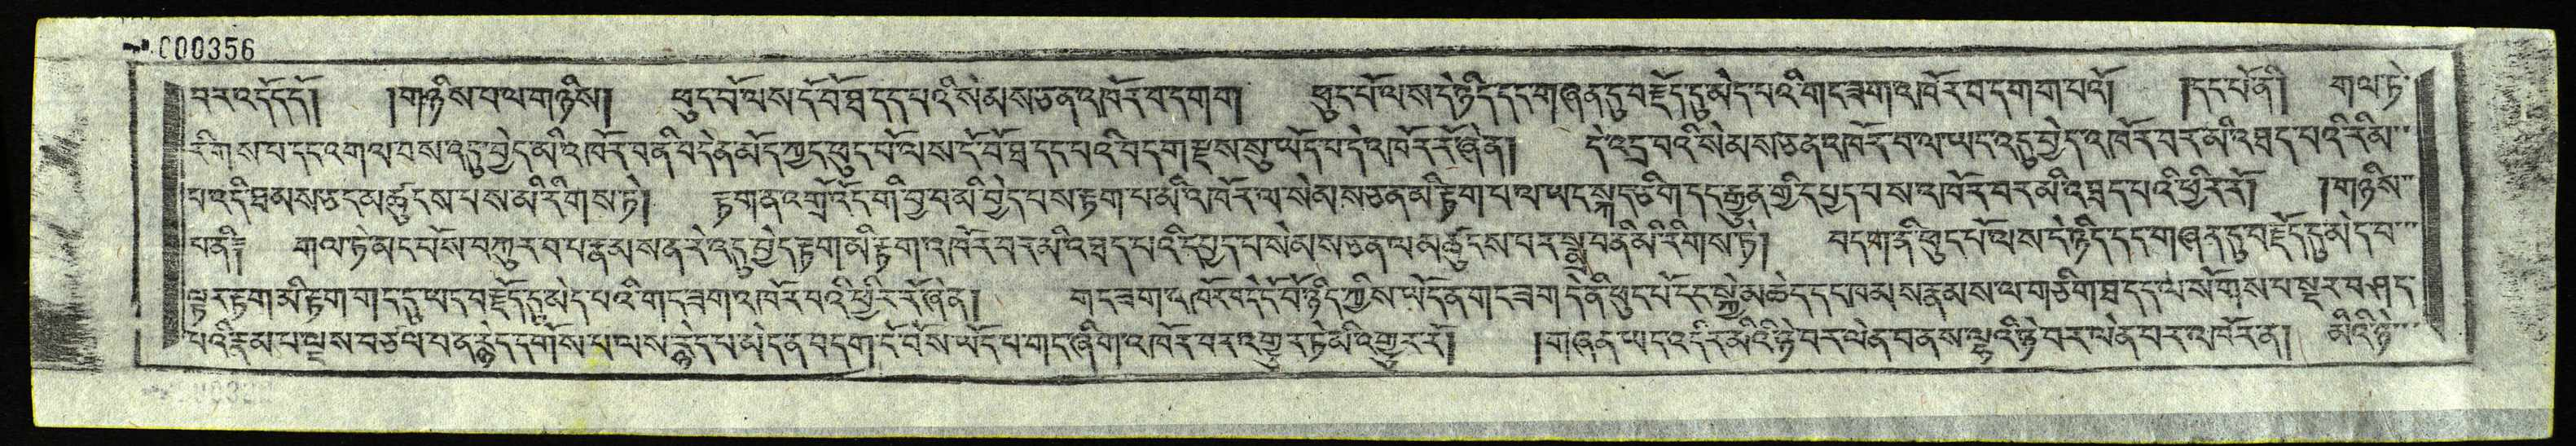བར་འདོད་དོ། །གཉིས་པ་ལ་གཉིས། ཕུང་པོ་ལས་ངོ་བོ་ཐ་དད་པའི་སེམས་ཅན་འཁོར་བ་དགག་ཕུང་པོ་ལས་དེ་ཉིད་དང་གཞན་དུ་བརྗོད་དུ་མེད་པའི་གང་ཟག་འཁོར་བ་དགག་པའོ། །དང་པོ་ནི། གལ་ཏེ་
རིགས་པ་དང་འགལ་བས་འདུ་བྱེད་མི་འཁོར་བ་ནི་བདེན་མོད་ཀྱང་ཕུང་པོ་ལས་ངོ་བོ་ཐ་དད་པའི་བདག་རྫས་སུ་ཡོད་པ་དེ་འཁོར་རོ་ཞེ་ན། དེ་འདྲ་བའི་སེམས་ཅན་འཁོར་བ་ལ་ཡང་འདུ་བྱེད་འཁོར་བར་མི་འཐད་པའི་རིམ་
པ་འདི་ཐམས་ཅད་མཚུངས་པས་མི་རིགས་ཏེ། རྟག་ན་འགྲོ་འོང་གི་བྱ་བ་མི་བྱེད་པས་རྟག་པ་མི་འཁོར་ལ་སེམས་ཅན་མི་རྟག་པ་ལ་ཡང་སྐད་ཅིག་དང་རྒྱུན་གྱི་དཔྱད་པས་འཁོར་བར་མི་འཐད་པའི་ཕྱིར་རོ། །གཉིས་
པ་ནི༑ གལ་ཏེ་མང་པོས་བཀུར་བ་པ་རྣམས་ན་རེ་འདུ་བྱེད་རྟག་མི་རྟག་འཁོར་བར་མི་འཐད་པའི་དཔྱད་པ་སེམས་ཅན་ལ་མཚུངས་པར་སྨྲ་བ་ནི་མི་རིགས་ཏེ། བདག་ནི་ཕུང་པོ་ལས་དེ་ཉིད་དང་གཞན་དུ་བརྗོད་དུ་མེད་པ་
ལྟར་རྟག་མི་རྟག་གང་དུ་ཡང་བརྗོད་དུ་མེད་པའི་གང་ཟག་འཁོར་བའི་ཕྱིར་རོ་ཞེ་ན། གང་ཟག་འཁོར་བ་དེ་ངོ་བོ་ཉིད་ཀྱིས་ཡོད་ན་གང་ཟག་དེ་ནི་ཕུང་པོ་དང་སྐྱེ་མཆེད་དང་ཁམས་རྣམས་ལ་གཅིག་ཐ་དད་ལ་སོགས་པ་སྔར་བཤད་
པའི་རྣམ་པ་ལྔས་བཙལ་བ་ན་རྙེད་དགོས་པ་ལས་རྙེད་པ་མེད་ན་བདག་ངོ་བོས་ཡོད་པ་གང་ཞིག་འཁོར་བར་འགྱུར་ཏེ་མི་འགྱུར་རོ། །གཞན་ཡང་འདིར་མིའི་ཉེ་བར་ལེན་པ་ནས་ལྷའི་ཉེ་བར་ལེན་པར་འཁོར་ན། མིའི་ཉེ་